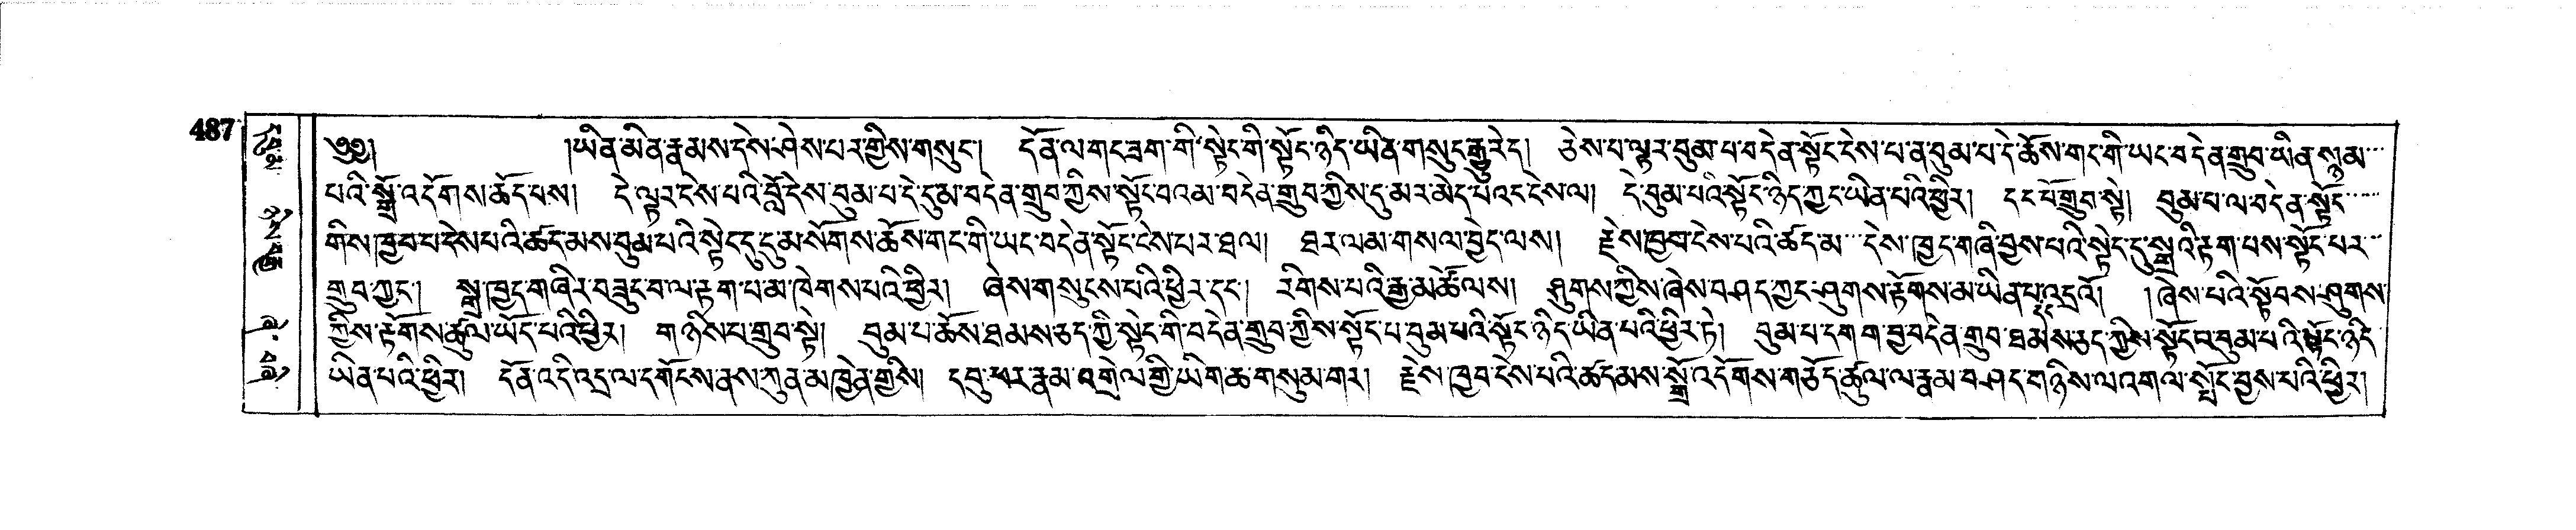༄༅། །ཡིན་མིན་རྣམས་དེས་ཤེས་པར་གྱིས་གསུང་། དོན་ལ་གང་ཟག་གི་སྟེང་གི་སྟོང་ཉིད་ཡིན་གསུང་རྒྱུ་རེད། ཅེས་པ་ལྟར་བུམ་པ་བདེན་སྟོང་ངེས་པ་ན་བུམ་པ་དེ་ཆོས་གང་གི་ཡང་བདེན་གྲུབ་ཡིན་སྙམ་
པའི་སྒྲོ་འདོགས་ཆོད་པས། དེ་ལྟར་ངེས་པའི་བློ་དེས་བུམ་པ་དེ་དུ་མ་བདེན་གྲུབ་ཀྱིས་སྟོང་བའམ་བདེན་གྲུབ་ཀྱིས་དུ་མར་མེད་པའང་ངེས་ལ། དེ་བུམ་པའི་སྟོང་ཉིད་ཀྱང་ཡིན་པའི་ཕྱིར། དང་པོ་གྲུབ་སྟེ། བུམ་པ་ལ་བདེན་སྟོང་
གིས་ཁྱབ་པ་དེས་པའི་ཚད་མས་བུམ་པའི་སྟེང་དུ་དུ་མ་སོགས་ཆོས་གང་གི་ཡང་བདེན་སྟོང་ངེས་པར་ཐལ། ཐར་ལམ་གསལ་བྱེད་ལས། རྗེས་ཁྱབ་ངེས་པའི་ཚད་མ་དེས་ཁྱད་གཞི་བྱས་པའི་སྟེང་དུ་སྒྲའི་རྟག་པས་སྟོང་པར་
གྲུབ་ཀྱང་། སྒྲ་ཁྱད་གཞིར་བཟུང་བ་ལ་རྟག་པ་མ་ཁེགས་པའི་ཕྱིར། ཞེས་གསུངས་པའི་ཕྱིར་དང་། རིགས་པའི་རྒྱ་མཚོ་ལས། ཤུགས་ཀྱིས་ཞེས་བཤད་ཀྱང་ཤུགས་རྟོགས་མ་ཡིན་པ་དང་འདྲའོ། །ཞེས་པའི་སྟོབས་ཤུགས་
ཀྱིས་རྟོགས་ཚུལ་ཡོད་པའི་ཕྱིར། གཉིས་པ་གྲུབ་སྟེ། བུམ་པ་ཆོས་ཐམས་ཅད་ཀྱི་སྟེང་གི་བདེན་གྲུབ་ཀྱིས་སྟོང་པ་བུམ་པའི་སྟོང་ཉིད་ཡིན་པའི་ཕྱིར་ཏེ། བུམ་པ་དགག་བྱ་བདེན་གྲུབ་ཐམས་ཅད་ཀྱིས་སྟོང་པ་བུམ་པའི་སྟོང་ཉིད་
ཡིན་པའི་ཕྱིར། དོན་འདི་འདྲ་ལ་དགོངས་ནས་ཀུན་མཁྱེན་གྱིས། དབུ་ཕར་རྣམ་འགྲེལ་གྱི་ཡིག་ཆ་གསུམ་གར། རྗེས་ཁྱབ་ངེས་པའི་ཚད་མས་སྒྲོ་འདོགས་གཅོད་ཚུལ་ལ་རྣམ་བཤད་གཉིས་ལ་འགལ་སྤོང་བྱས་པའི་ཕྱིར།